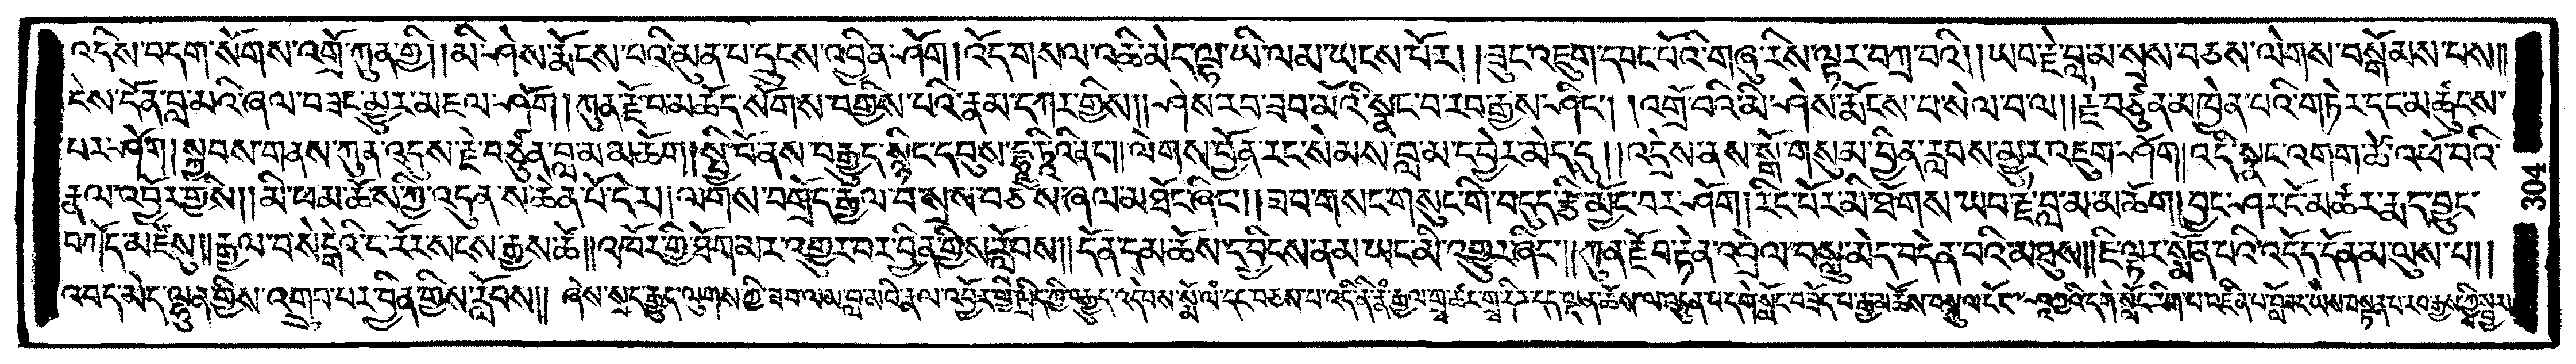འདིས་བདག་སོགས་འགྲོ་ཀུན་གྱི། །མི་ཤེས་རྨོངས་པའི་མུན་པ་དྲུངས་འབྱིན་ཤོག །འོད་གསལ་འཆི་མེད་ལྷ་ཡི་ལམ་ཡངས་པོར། །ཟུང་འཇུག་དབང་པོའི་གཞུ་རིས་ལྟར་བཀྲ་བའི། །ཡབ་རྗེ་བླ་མ་སྲས་བཅས་ལེགས་བསྒོམས་པས། །
ངེས་དོན་བླ་མའི་ཞལ་བཟང་མྱུར་མཇལ་ཤོག །ཀུན་རྫོབ་མཆོད་སོགས་བགྱིས་པའི་རྣམ་དཀར་གྱིས། །ཤེས་རབ་ཟབ་མོའི་སྣང་བ་རབ་རྒྱས་ཤིང་། །འགྲོ་བའི་མི་ཤེས་རྨོངས་པ་སེལ་བ་ལ། །རྗེ་བཙུན་མཁྱེན་པའི་གཏེར་དང་མཚུངས་
པར་ཤོག །སྐྱབས་གནས་ཀུན་འདུས་རྗེ་བཙུན་བླ་མ་མཆོག །སྤྱི་བོ་ནས་བརྒྱུད་སྙིང་དབུས་དྷཱུ་ཏཱིའི་ནང་། །ལེགས་བྱོན་རང་སེམས་བླ་མ་དབྱེར་མེད་དུ། །འདྲེས་ནས་སྒོ་གསུམ་བྱིན་རླབས་མྱུར་འཇུག་ཤོག །འདི་སྣང་འགག་ཚེ་འཕོ་བའི་
རྣལ་འབྱོར་གྱིས། །མི་ཕམ་ཆོས་ཀྱི་འདུན་ས་ཆེན་པོ་དེར། །ལགས་བགྲོད་རྒྱལ་བ་སྲས་བཅས་ཞལ་མཐོང་ཞིང་། །ཟབ་གསང་གསུང་གི་བདུད་རྩི་མྱོང་བར་ཤོག །རིང་པོར་མི་ཐོགས་ཡབ་རྗེ་བླ་མ་མཆོག །བྱང་ཤར་ངོ་མཚར་རྨད་བྱུང་
བཀོད་མཛེས་སུ། །རྒྱལ་བ་སེངྒེའི་ང་རོར་སངས་རྒྱས་ཚེ། །འཁོར་གྱི་ཐོག་མར་འགྱུར་བར་བྱིན་གྱིས་རློབས། །དོན་དམ་ཆོས་དབྱིངས་ནམ་ཡང་མི་འགྱུར་ཞིང་། །ཀུན་རྫོབ་རྟེན་འབྲེལ་བསླུ་མེད་བདེན་པའི་མཐུས། །ཇི་ལྟར་སྨོན་པའི་འདོད་དོན་མ་ལུས་པ། །
འབད་མེད་ལྷུན་གྱིས་འགྲུབ་པར་བྱིན་གྱིས་རློབས། །ཞེས་སྲད་རྒྱུད་ལུགས་ཀྱི་ཟབ་ལམ་བླ་མའི་རྣལ་འབྱོར་གྱི་ཁྲིད་ཀྱི་བརྒྱུད་འདེབས་སྨོ་ལཾ་དང་བཅས་པ་འདི་ནི་རྣཾ་རྒྱལ་གྲྭ་ཚང་གྲྭ་རིགས་དད་ལྡན་ཆོས་ལ་འདུན་པ་དགེ་སློང་བཟོད་པ་རྒྱ་མཚོས་བསྐུལ་ངོང ༧་ཤཱཀྱའི་དགེ་སློང་རིག་པ་འཛིན་པ་བློ་བཟང་ཡཻས་བསྟན་པ་རབ་རྒྱས་ཀྱིས་སྦྱར།